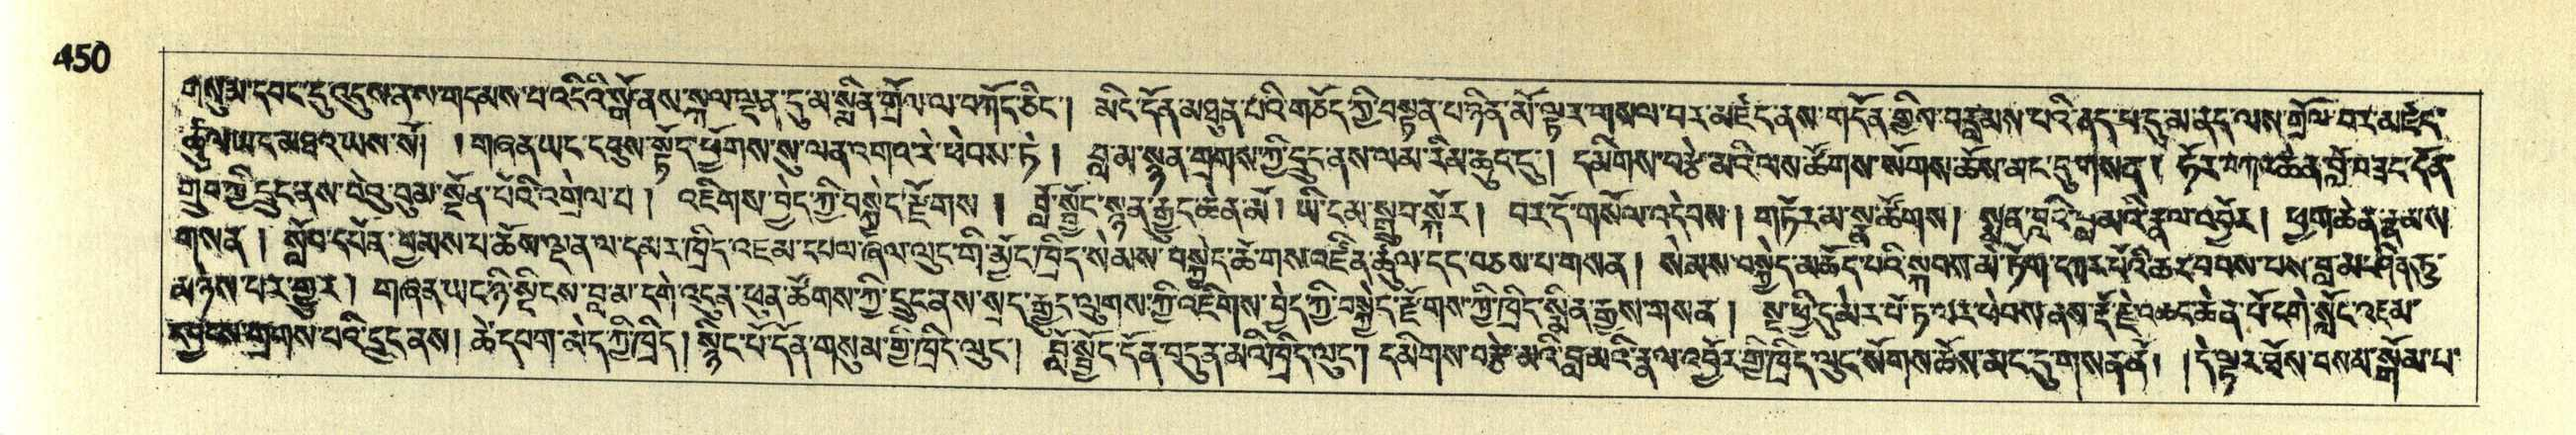གསུམ་དབང་དུ་འདུས་ནས་གདམས་པ་འདིའི་སྒོ་ནས་སྐལ་ལྡན་དུ་མ་སྨིན་གྲོལ་ལ་བཀོད་ཅིང་། མིང་དོན་མཐུན་པའི་གཅོད་ཀྱི་བསྟན་པ་ཉིན་མོ་ལྟར་གསལ་བར་མཛད་ནས་གདོན་གྱིས་བརླམས་པའི་ནད་པ་དུ་མ་ནད་ལས་གྲོལ་བར་མཛད་
ཚུལ་ཡང་མཐའ་ཡས་སོ། །གཞན་ཡང་དབུས་སྟོད་ཕྱོགས་སུ་ལན་འགའ་རེ་ཕེབས་ཏེ། བླ་མ་སྙན་གྲགས་ཀྱི་དྲུང་ནས་ལམ་རིམ་ཆུང་ངུ། དམིགས་བརྩེ་མའི་ལས་ཚོགས་སོགས་ཆོས་མང་དུ་གསན། ཧོར་བཀའ་ཆེན་བློ་བཟང་དོན་
གྲུབ་ཀྱི་དྲུང་ནས་བེའུ་བུམ་སྔོན་པོའི་འགྲེལ་པ། འཇིགས་བྱེད་ཀྱི་བསྐྱེད་རྫོགས། བློ་སྦྱོང་སྙན་རྒྱུད་ཆེན་མོ། ཡི་དམ་སྒྲུབ་སྐོར། བར་དོ་གསོལ་འདེབས། གཏོར་མ་སྣ་ཚོགས། སྨན་བླའི་བླ་མའི་རྣལ་འབྱོར། ཕྱག་ཆེན་རྣམས་
གསན། སློབ་དཔོན་བྱམས་པ་ཆོས་ལྡན་ལ་དམར་ཁྲིད་འཇམ་དཔལ་ཞལ་ལུང་གི་མྱོང་ཁྲིད་སེམས་བསྐྱེད་ཆོ་གས་འཛིན་ཚུལ་དང་བཅས་པ་གསན། སེམས་བསྐྱེད་མཆོད་པའི་སྐབས་མེ་ཏོག་དཀར་པོའི་ཆར་བབས་པས་བླ་མ་ཤིན་ཏུ་
མཉེས་པར་གྱུར། གཞན་ཡང་ཉི་སྡིངས་བླ་མ་དགེ་འདུན་ཕུན་ཚོགས་ཀྱི་དྲུང་ནས་སྲད་རྒྱུད་ལུགས་ཀྱི་འཇིགས་བྱེད་ཀྱི་བསྐྱེད་རྫོགས་ཀྱི་ཁྲིད་སྨིན་རྒྱས་གསན། སྔ་ཕྱི་དུ་མེར་པོ་ཏ་ལར་ཕེབས་ནས་རྡོ་རྗེ་འཆང་ཆེན་པོ་དགེ་སློང་འཇམ་
དབྱངས་གྲགས་པའི་དྲུང་ནས། ཚེ་དཔག་མེད་ཀྱི་ཁྲིད། སྙིང་པོ་དོན་གསུམ་གྱི་ཁྲིད་ལུང་། བློ་སྦྱོང་དོན་བདུན་མའི་ཁྲིད་ལུང་། དམིགས་བརྩེ་མའི་བླ་མའི་རྣལ་འབྱོར་གྱི་ཁྲིད་ལུང་སོགས་ཆོས་མང་དུ་གསན་ནོ། །དེ་ལྟར་ཐོས་བསམ་སྒོམ་པ་